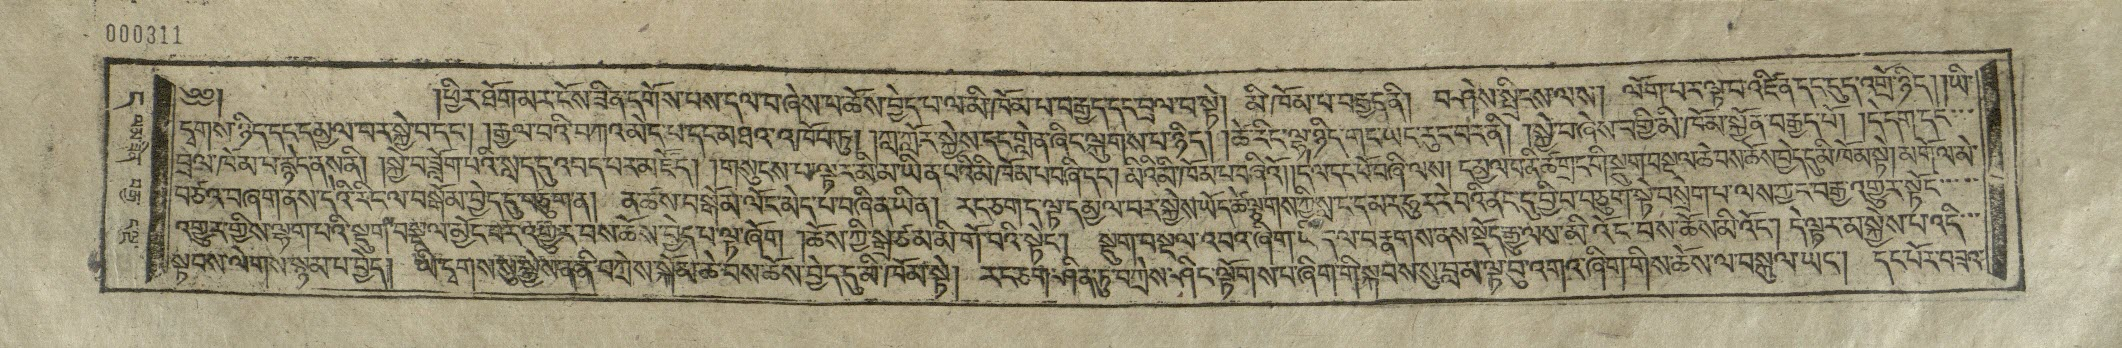༄༅། །ཕྱིར་ཐོག་མར་ངོས་ཟིན་དགོས་པས་དལ་བ་ཞེས་པ་ཆོས་བྱེད་པ་ལ་མི་ཁོམ་པ་བརྒྱད་དང་བྲལ་བ་སྟེ། མི་ཁོམ་པ་བརྒྱད་ནི། བཤེས་སྤྲིངས་ལས། ལོག་པར་ལྟ་བ་འཛིན་དང་དུད་འགྲོ་ཉིད། །ཡི་
དྭགས་ཉིད་དང་དམྱལ་བར་སྐྱེ་བ་དང་། །རྒྱལ་བའི་བཀའ་མེད་པ་དང་མཐའ་འཁོབ་ཏུ། །ཀླ་ཀློར་སྐྱེས་དང་གླེན་ཞིང་ལྐུགས་པ་ཉིད། །ཚེ་རིང་ལྷ་ཉིད་གང་ཡང་རུང་བར་ནི། །སྐྱེ་བ་ཞེས་བགྱི་མི་ཁོམ་སྐྱོན་བརྒྱད་པོ། །དེ་དག་དང་
བྲལ་ཁོམ་པ་རྙེད་ནས་ནི། །སྐྱེ་བ་ཟློག་པའི་སླད་དུ་འབད་པར་མཛོད། །གསུངས་པ་ལྟར་མི་མ་ཡིན་པའི་མི་ཁོམ་པ་བཞི་དང་། མིའི་མི་ཁོམ་པ་བཞིའོ། །དེ་ལ་དང་པོ་བཞི་ལས། དམྱལ་བ་ནི་ཚ་གྲང་གི་སྡུག་བསྔལ་ཆེ་བས་ཆོས་བྱེད་དུ་མི་ཁོམ་སྟེ། མགོ་ལ་མེ་
བཙའ་བཞག་ནས་དེའི་རིང་ལ་བསྒོམ་བྱེད་དུ་བཅུག་ན། ན་ཚས་བསྒོམ་ལོང་མེད་པ་བཞིན་ཡིན། རང་ཅག་ད་ལྟ་དམྱལ་བར་སྐྱེས་ཡོད་ཚེ་ལྕགས་ཀྱི་སླ་ང་དམར་ཧུར་རེ་བའི་ནང་དུ་བྱི་བ་བཅུག་སྟེ་བསྲེག་པ་ལས་ཀྱང་བརྒྱ་འགྱུར་སྟོང་
འགྱུར་གྱིས་ལྷག་པའི་སྡུག་བསྔལ་མྱོང་བར་འགྱུར་བས་ཆོས་བྱེད་པ་ལྟ་ཞོག །ཆོས་ཀྱི་སྒྲ་ཙམ་མི་གོ་བའི་སྟེང་། སྡུག་བསྔལ་འབའ་ཞིག་ཡིད་ལ་བརྣགས་ནས་སྡོད་རྒྱུ་ལས་མི་འོང་བས་ཆོས་མི་འོང་། དེ་ལྟར་མ་སྐྱེས་པ་འདི་
སྟབས་ལེགས་སྙམ་པ་བྱེད། ཡི་དྭགས་སུ་སྐྱེས་ན་ནི་བཀྲེས་སྐོམ་ཆེ་བས་ཆོས་བྱེད་དུ་མི་ཁོམ་སྟེ། རང་ཅག་ཤིན་ཏུ་བཀྲེས་ཤིང་ལྟོགས་པ་ཞིག་གི་སྐབས་སུ་བླ་མ་ལྟ་བུ་འགའ་ཞིག་གིས་ཆོས་ལ་བསྐུལ་ཡང་། དང་པོར་བཟའ་